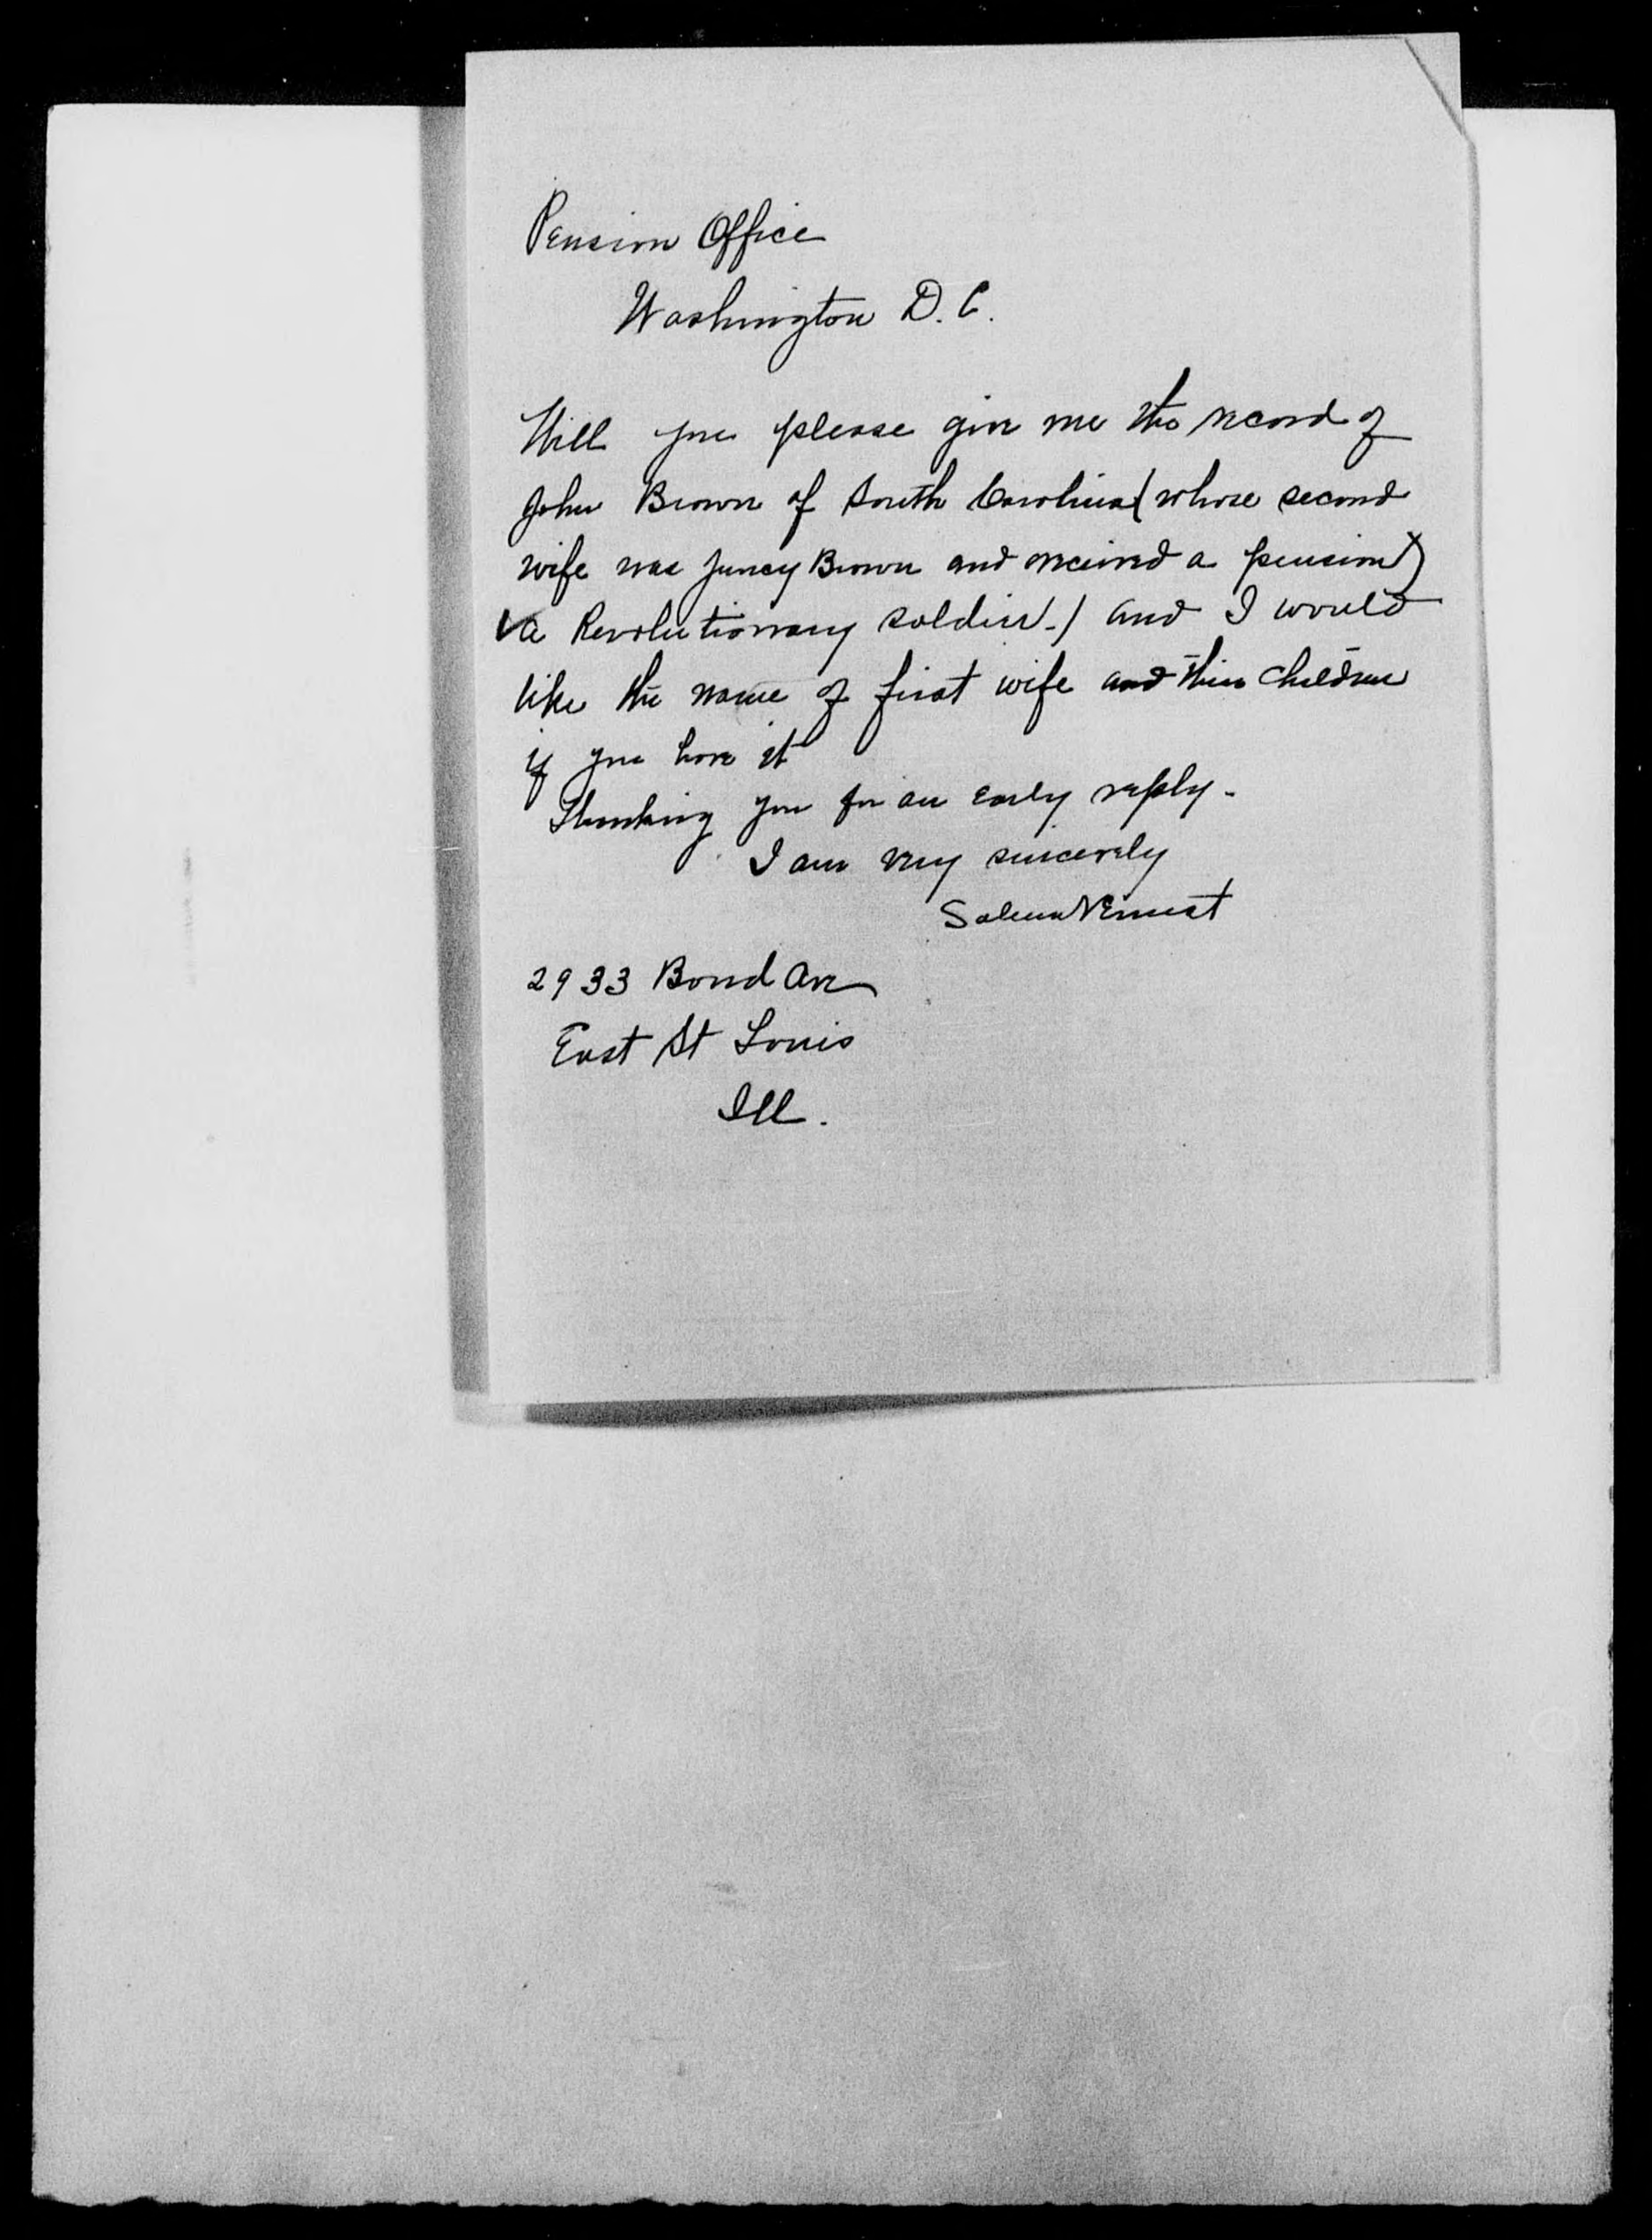Pension Office
Washington D.C.
Will you please give me the record of
John Brown of South Carolina (whose second wife was Juney Brown and received a pension
a Revolutionary soldier) and I would
like the name of first wife and their children if you have it
Thanking you for an early reply
I am very sincerely
Salena N Ernest
2933 Bond ave
East St Louis
Ill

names: Juney Brown, Salena N Ernest, John Brown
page: 52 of 85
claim: widow's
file: W. 5,906, John Brown, S.C.